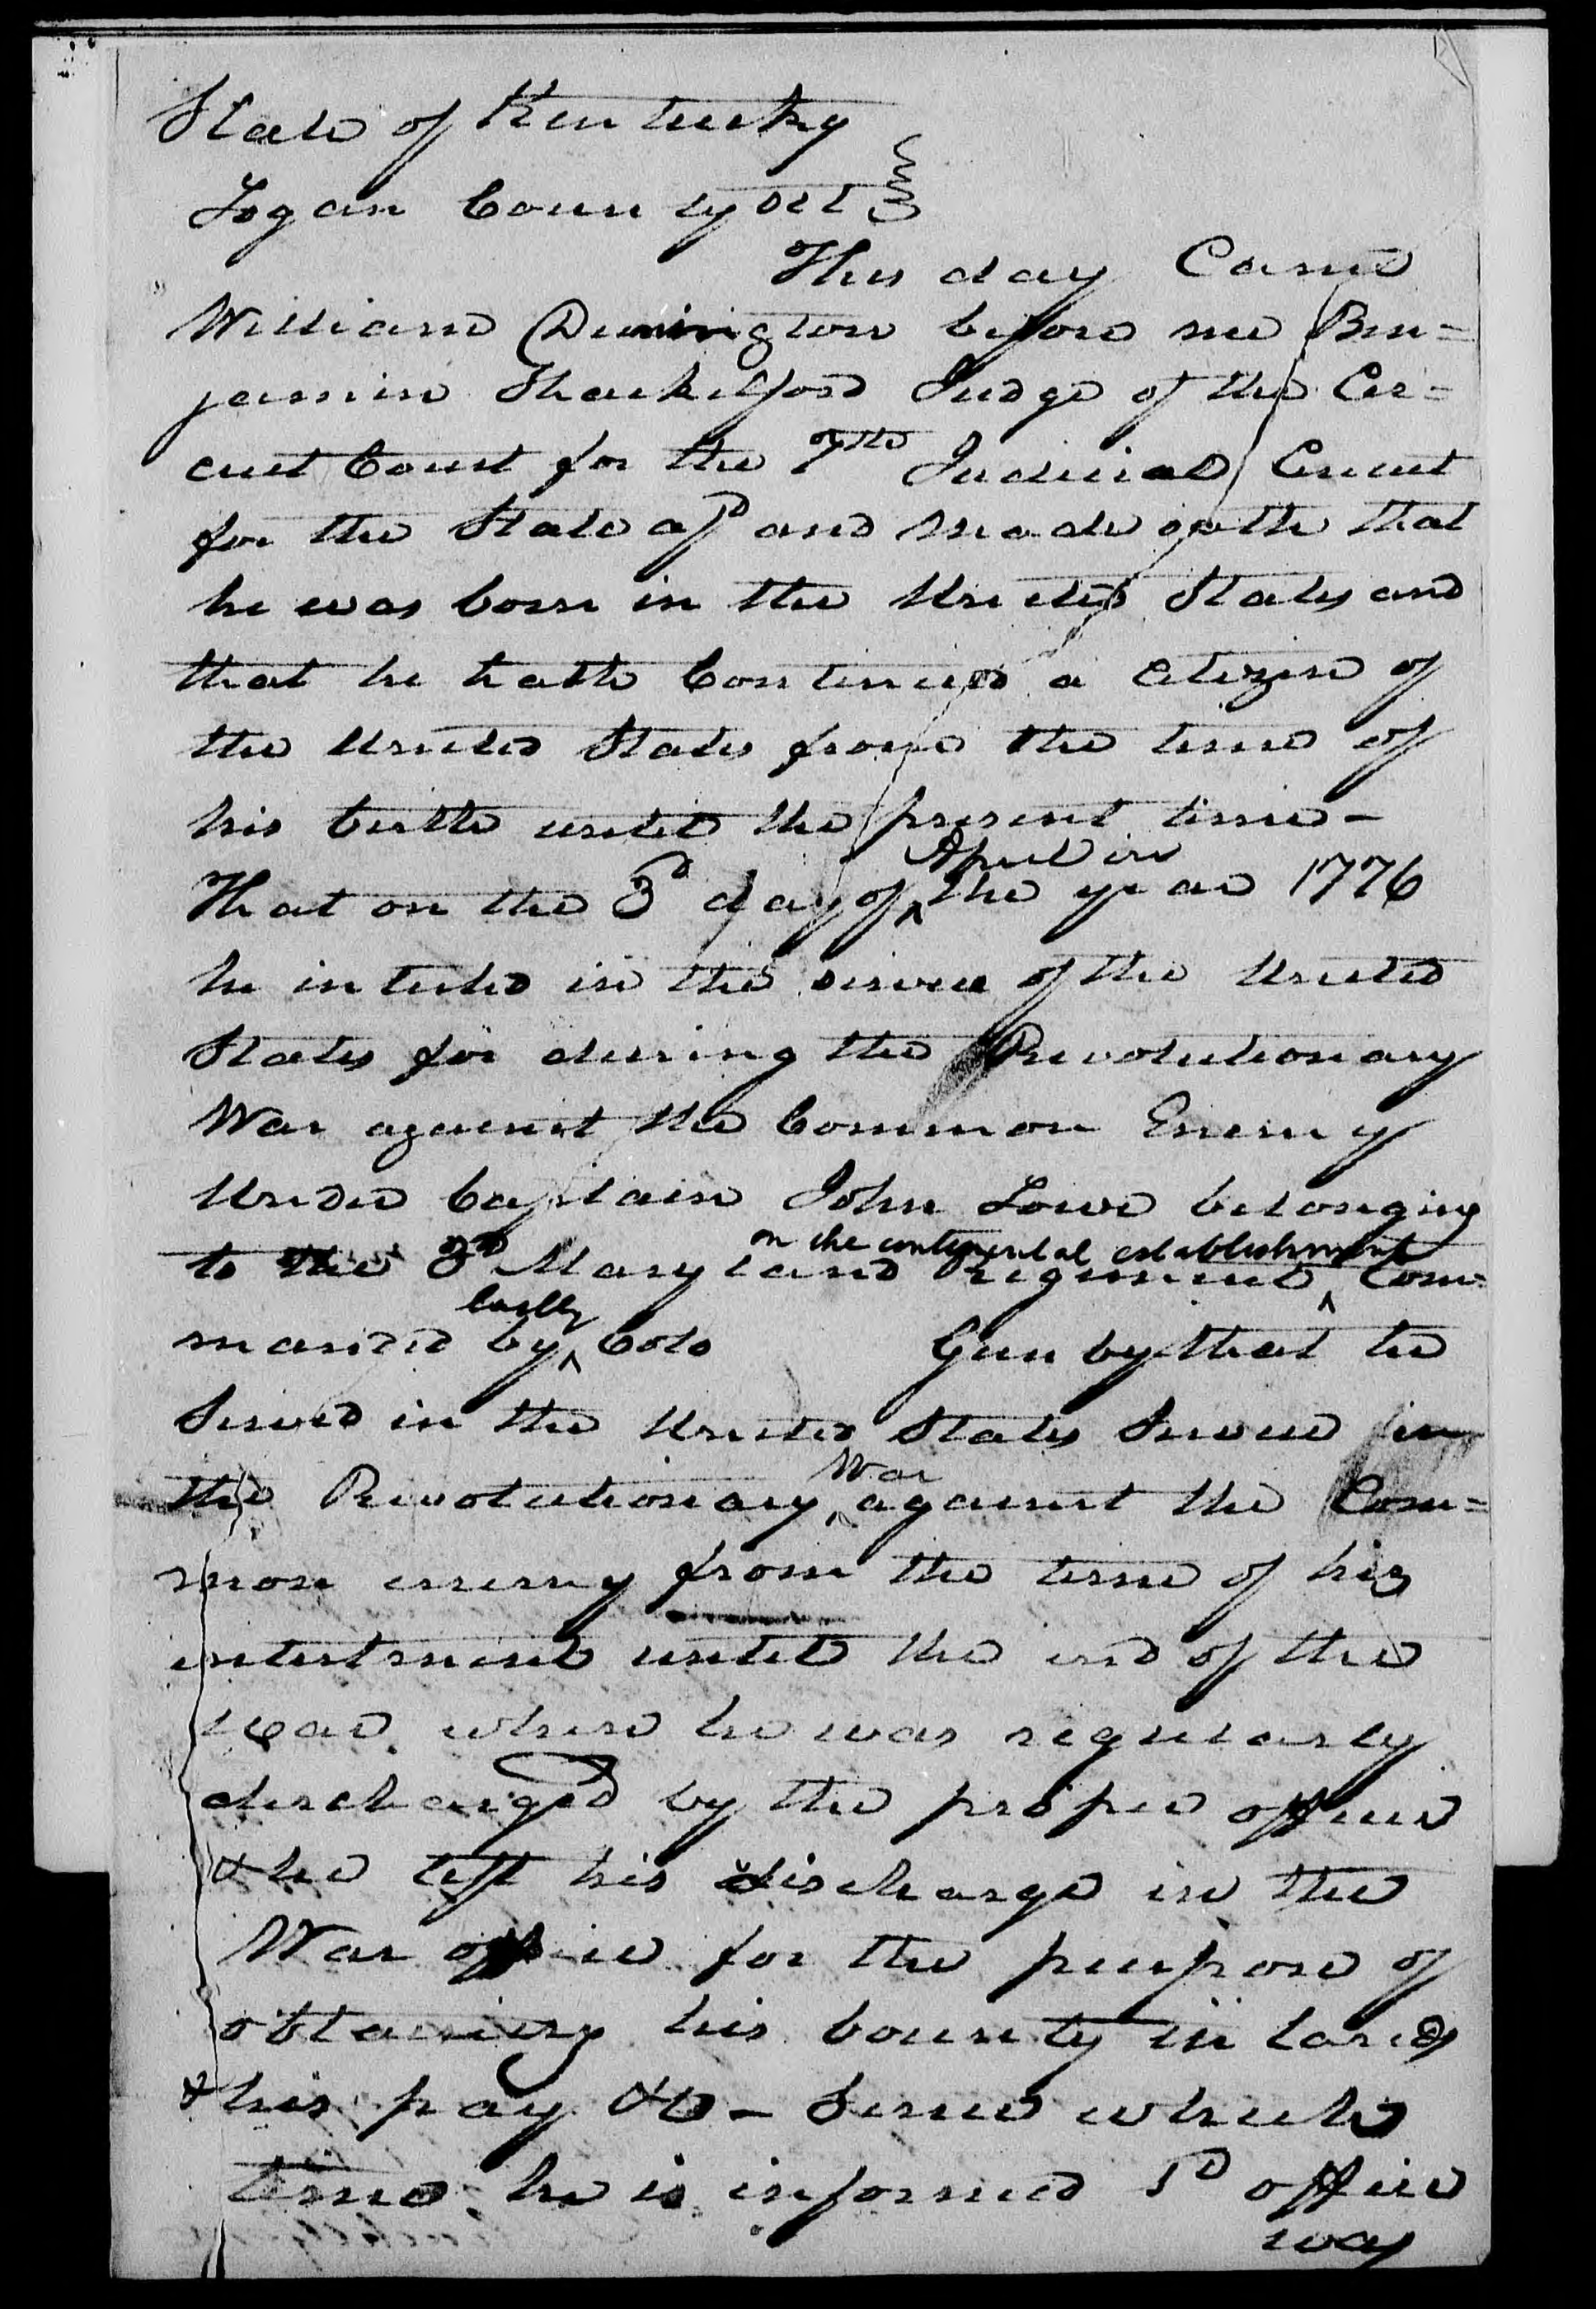State of Kentucky
Logan County [illegible]

This day came William Dunington before [illegible] Benjamin Shackelford Judge of the Circuit Court for the 7th Judicial Circuit for the State afd [aforesaid] and made oath that he was born in the United Stated and that he that continued a citizen of the United States from the time of his birth until the present time--
That on the 3rd day of April in the year 1776 he inlisted in the services of the United States for during the Revolutionary War against the common enemy under Captain John Lowe belonging to the 3rd Maryland Regiment on the continental establishment commanded by [illegible] Colo ___ Gunby by that he served in the United States services in the Revolutionary War against the common enemy from the time of his inlistment until the end of the war when he was regularly discharged in the War office for the purpose of obtaining his bounty in land + his pay [illegible]--[illegible] which time he is informed [illegible] office [illegible]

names: William Dunington, John Lowe, Benjamin Shackelford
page: 14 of 51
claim: widow's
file: W. 27,409, William Dunnington, Md.